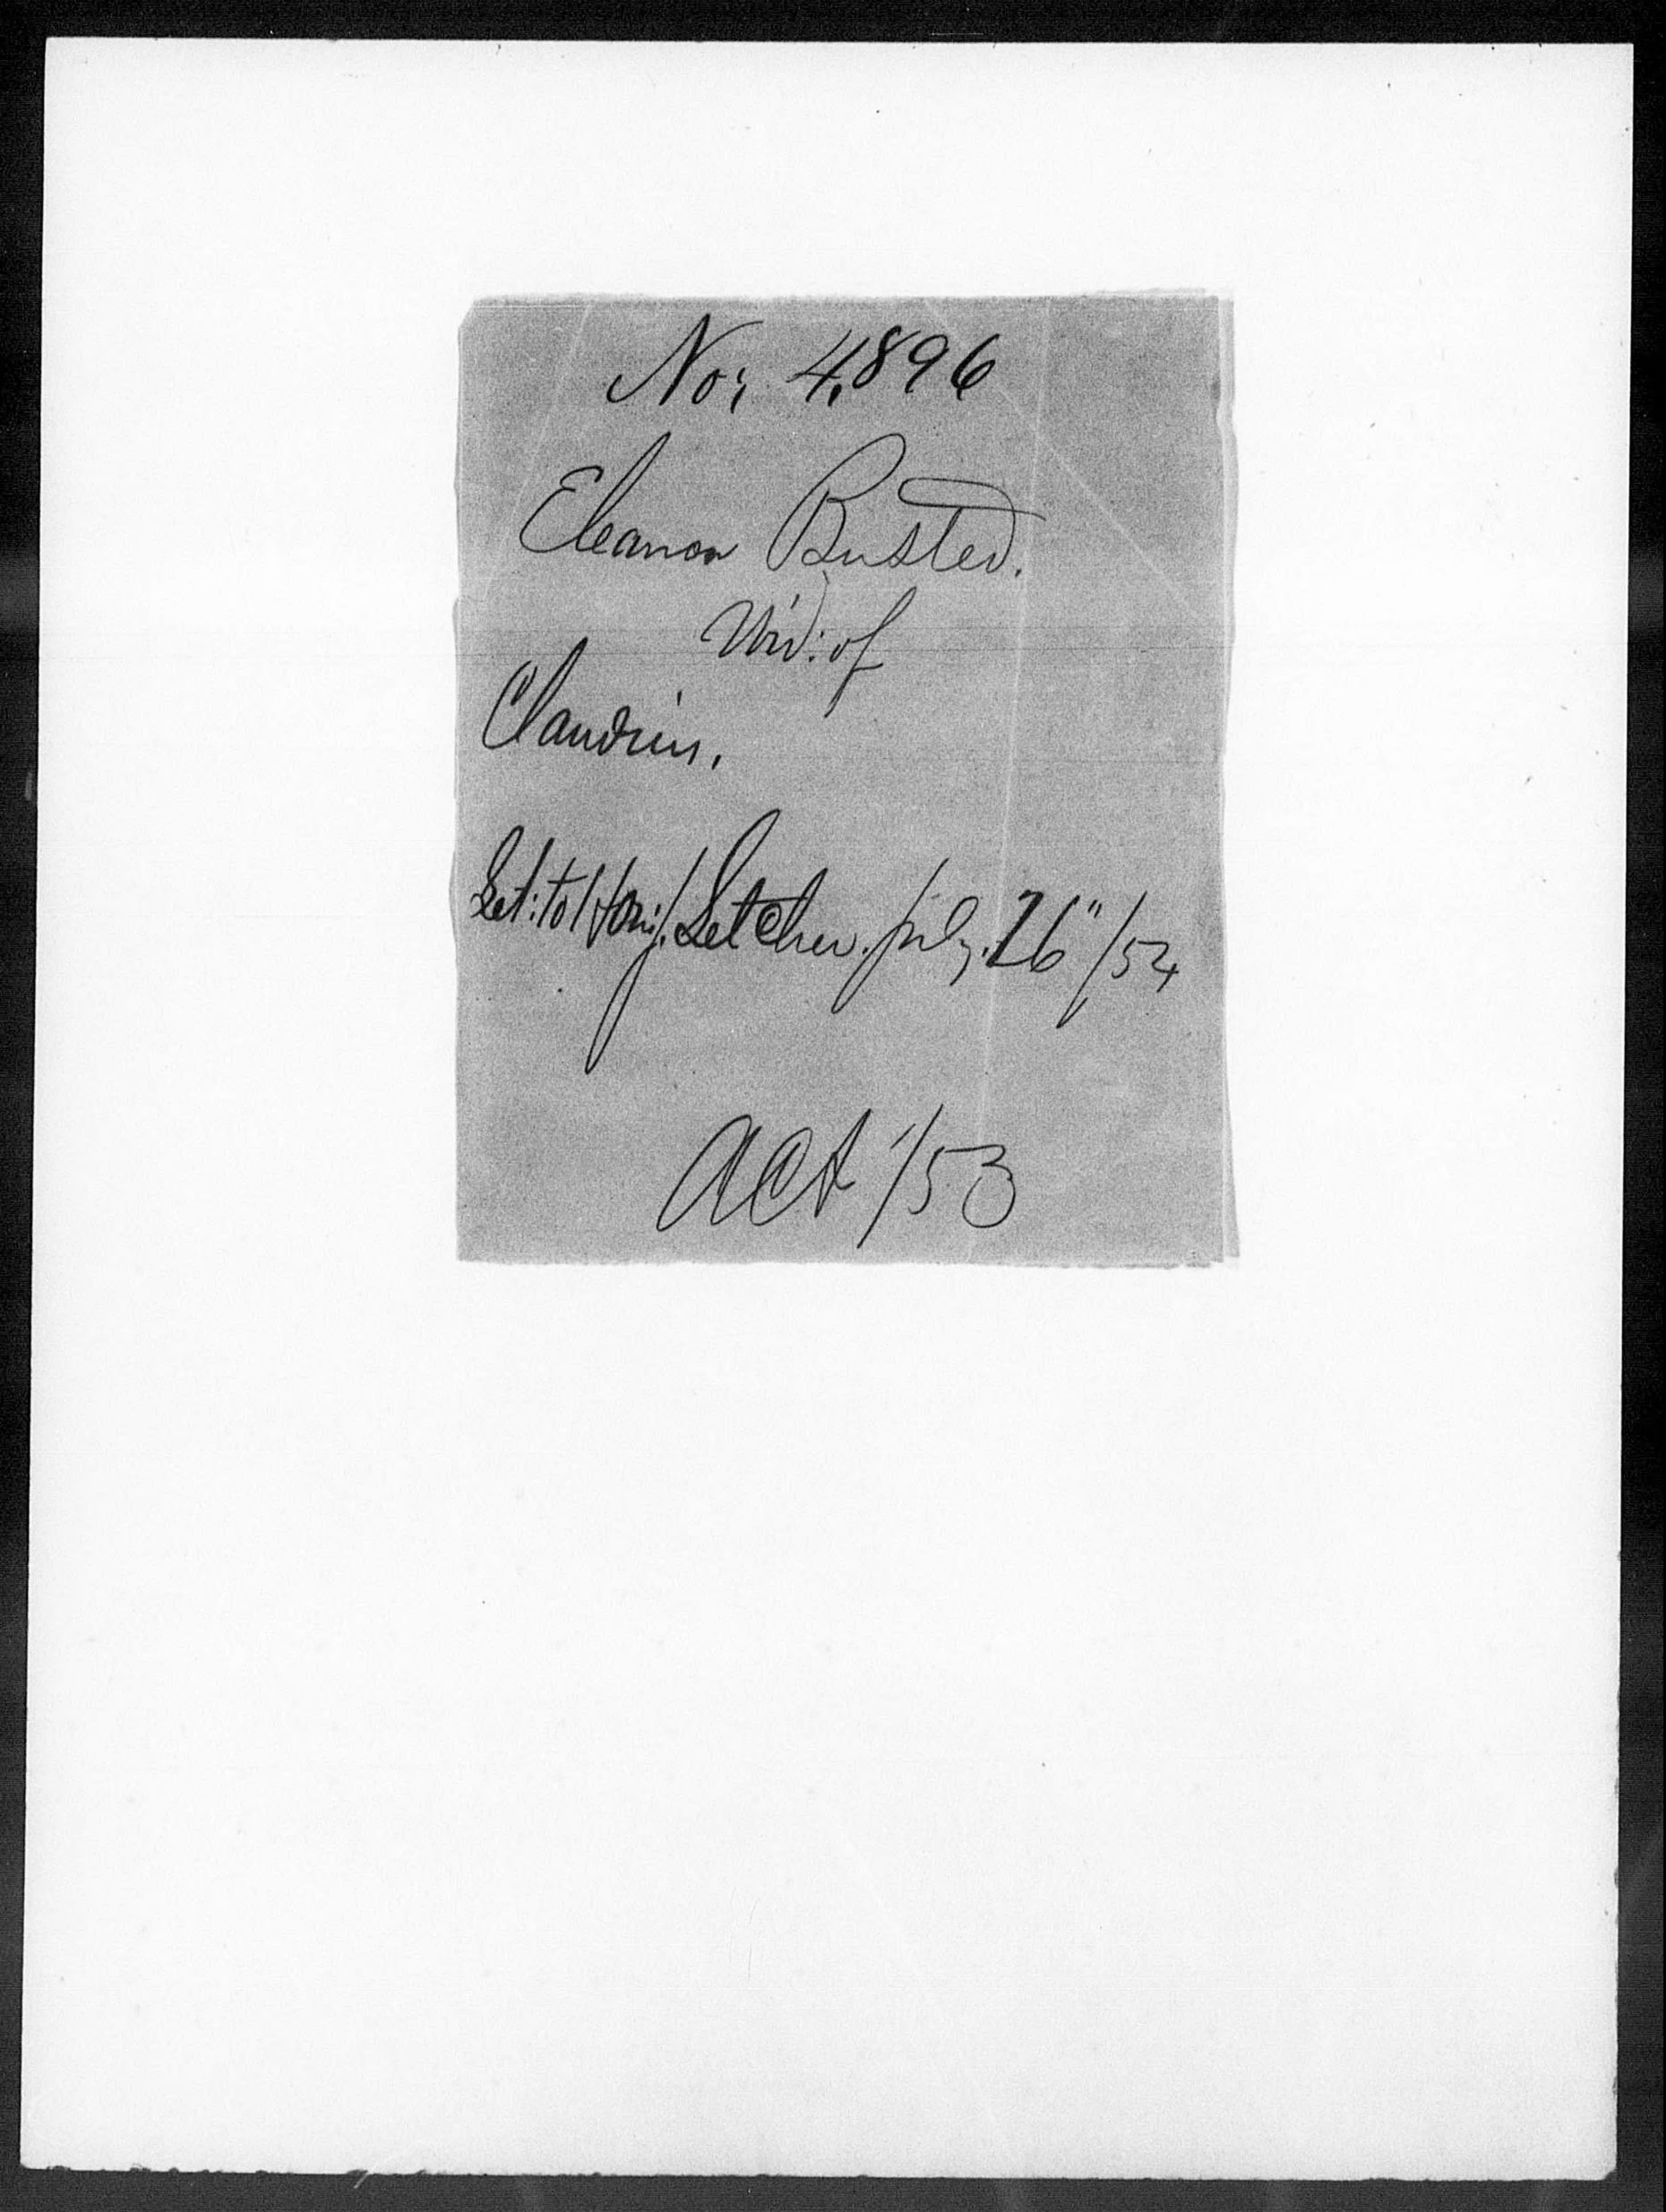No: 4.896

Eleanor Buster.
Wid: of
Claudius.

Set: to Hon: J. Letcher.
July 26"/54

act/53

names: J Letcher, Claudius Buster, Eleanor Buster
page: 22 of 71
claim: widow's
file: W. 25310, Claudius Buster, Va.